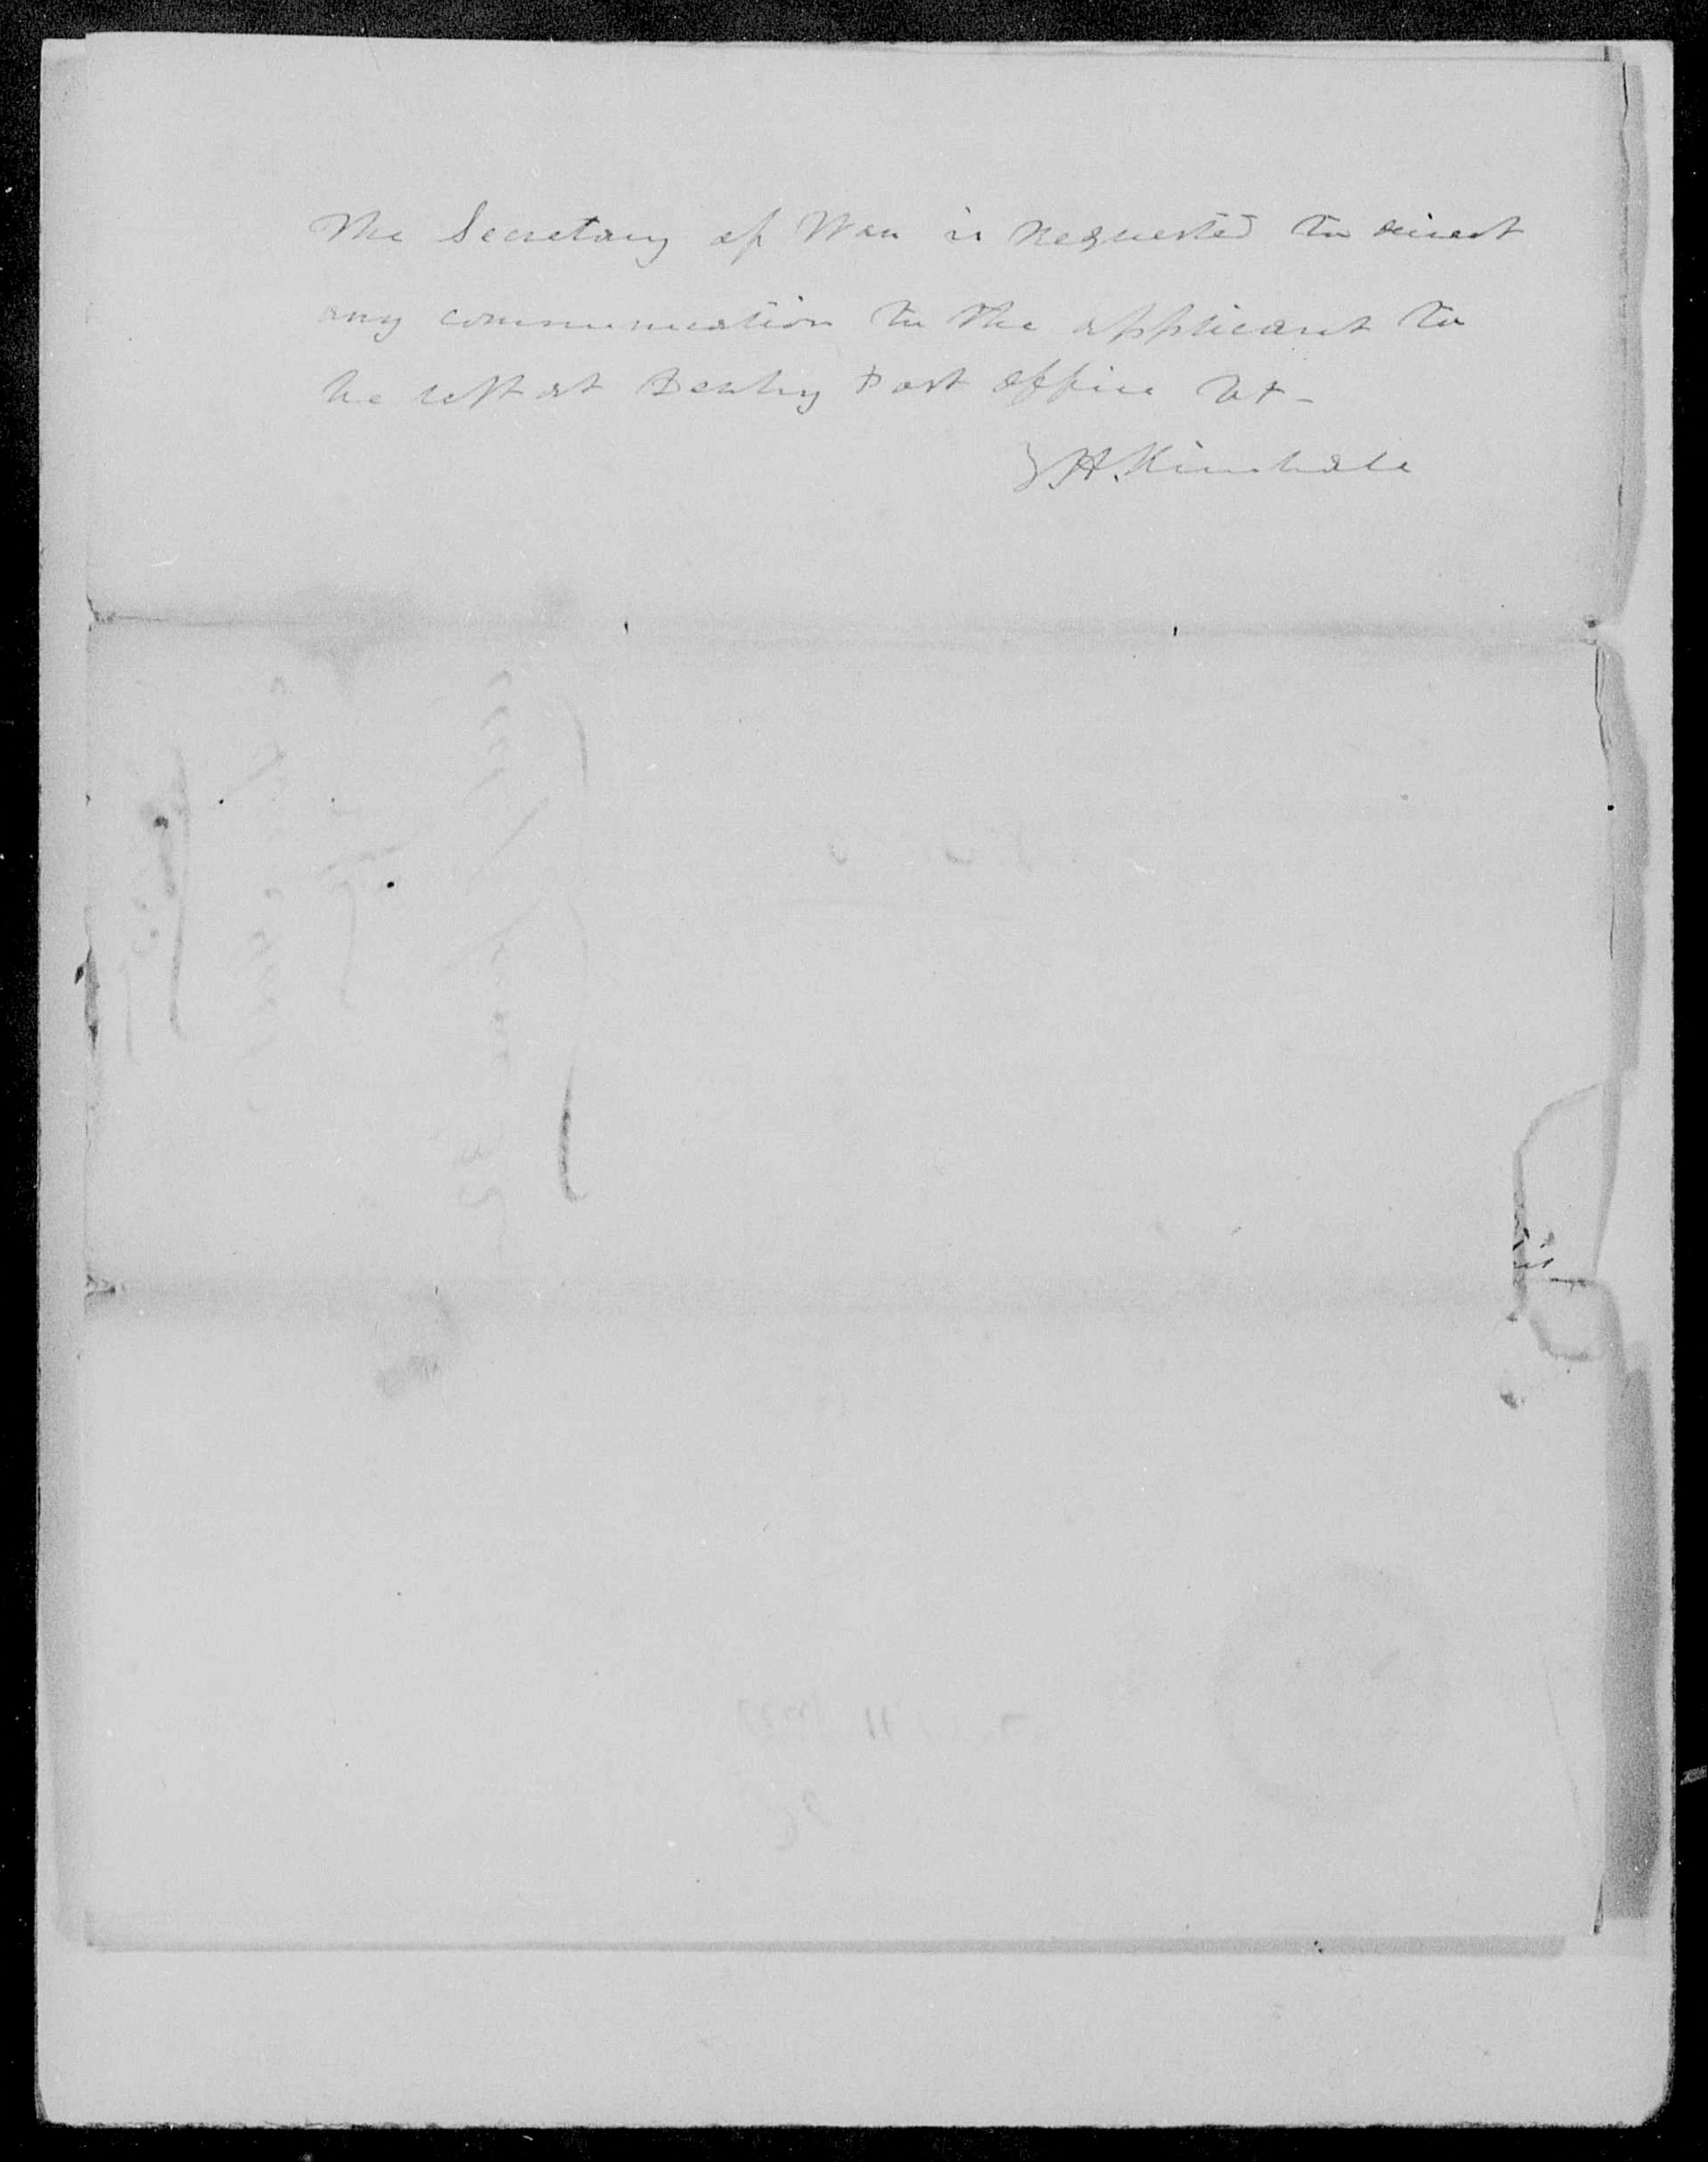the Secretary of War is requested to direct
any communication in the applicant to
be left at Bently Post Office Vt
J. H. Kimball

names: J H Kimball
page: 5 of 24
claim: rejected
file: R. 5180, Asa Holt, Mass. Vt.